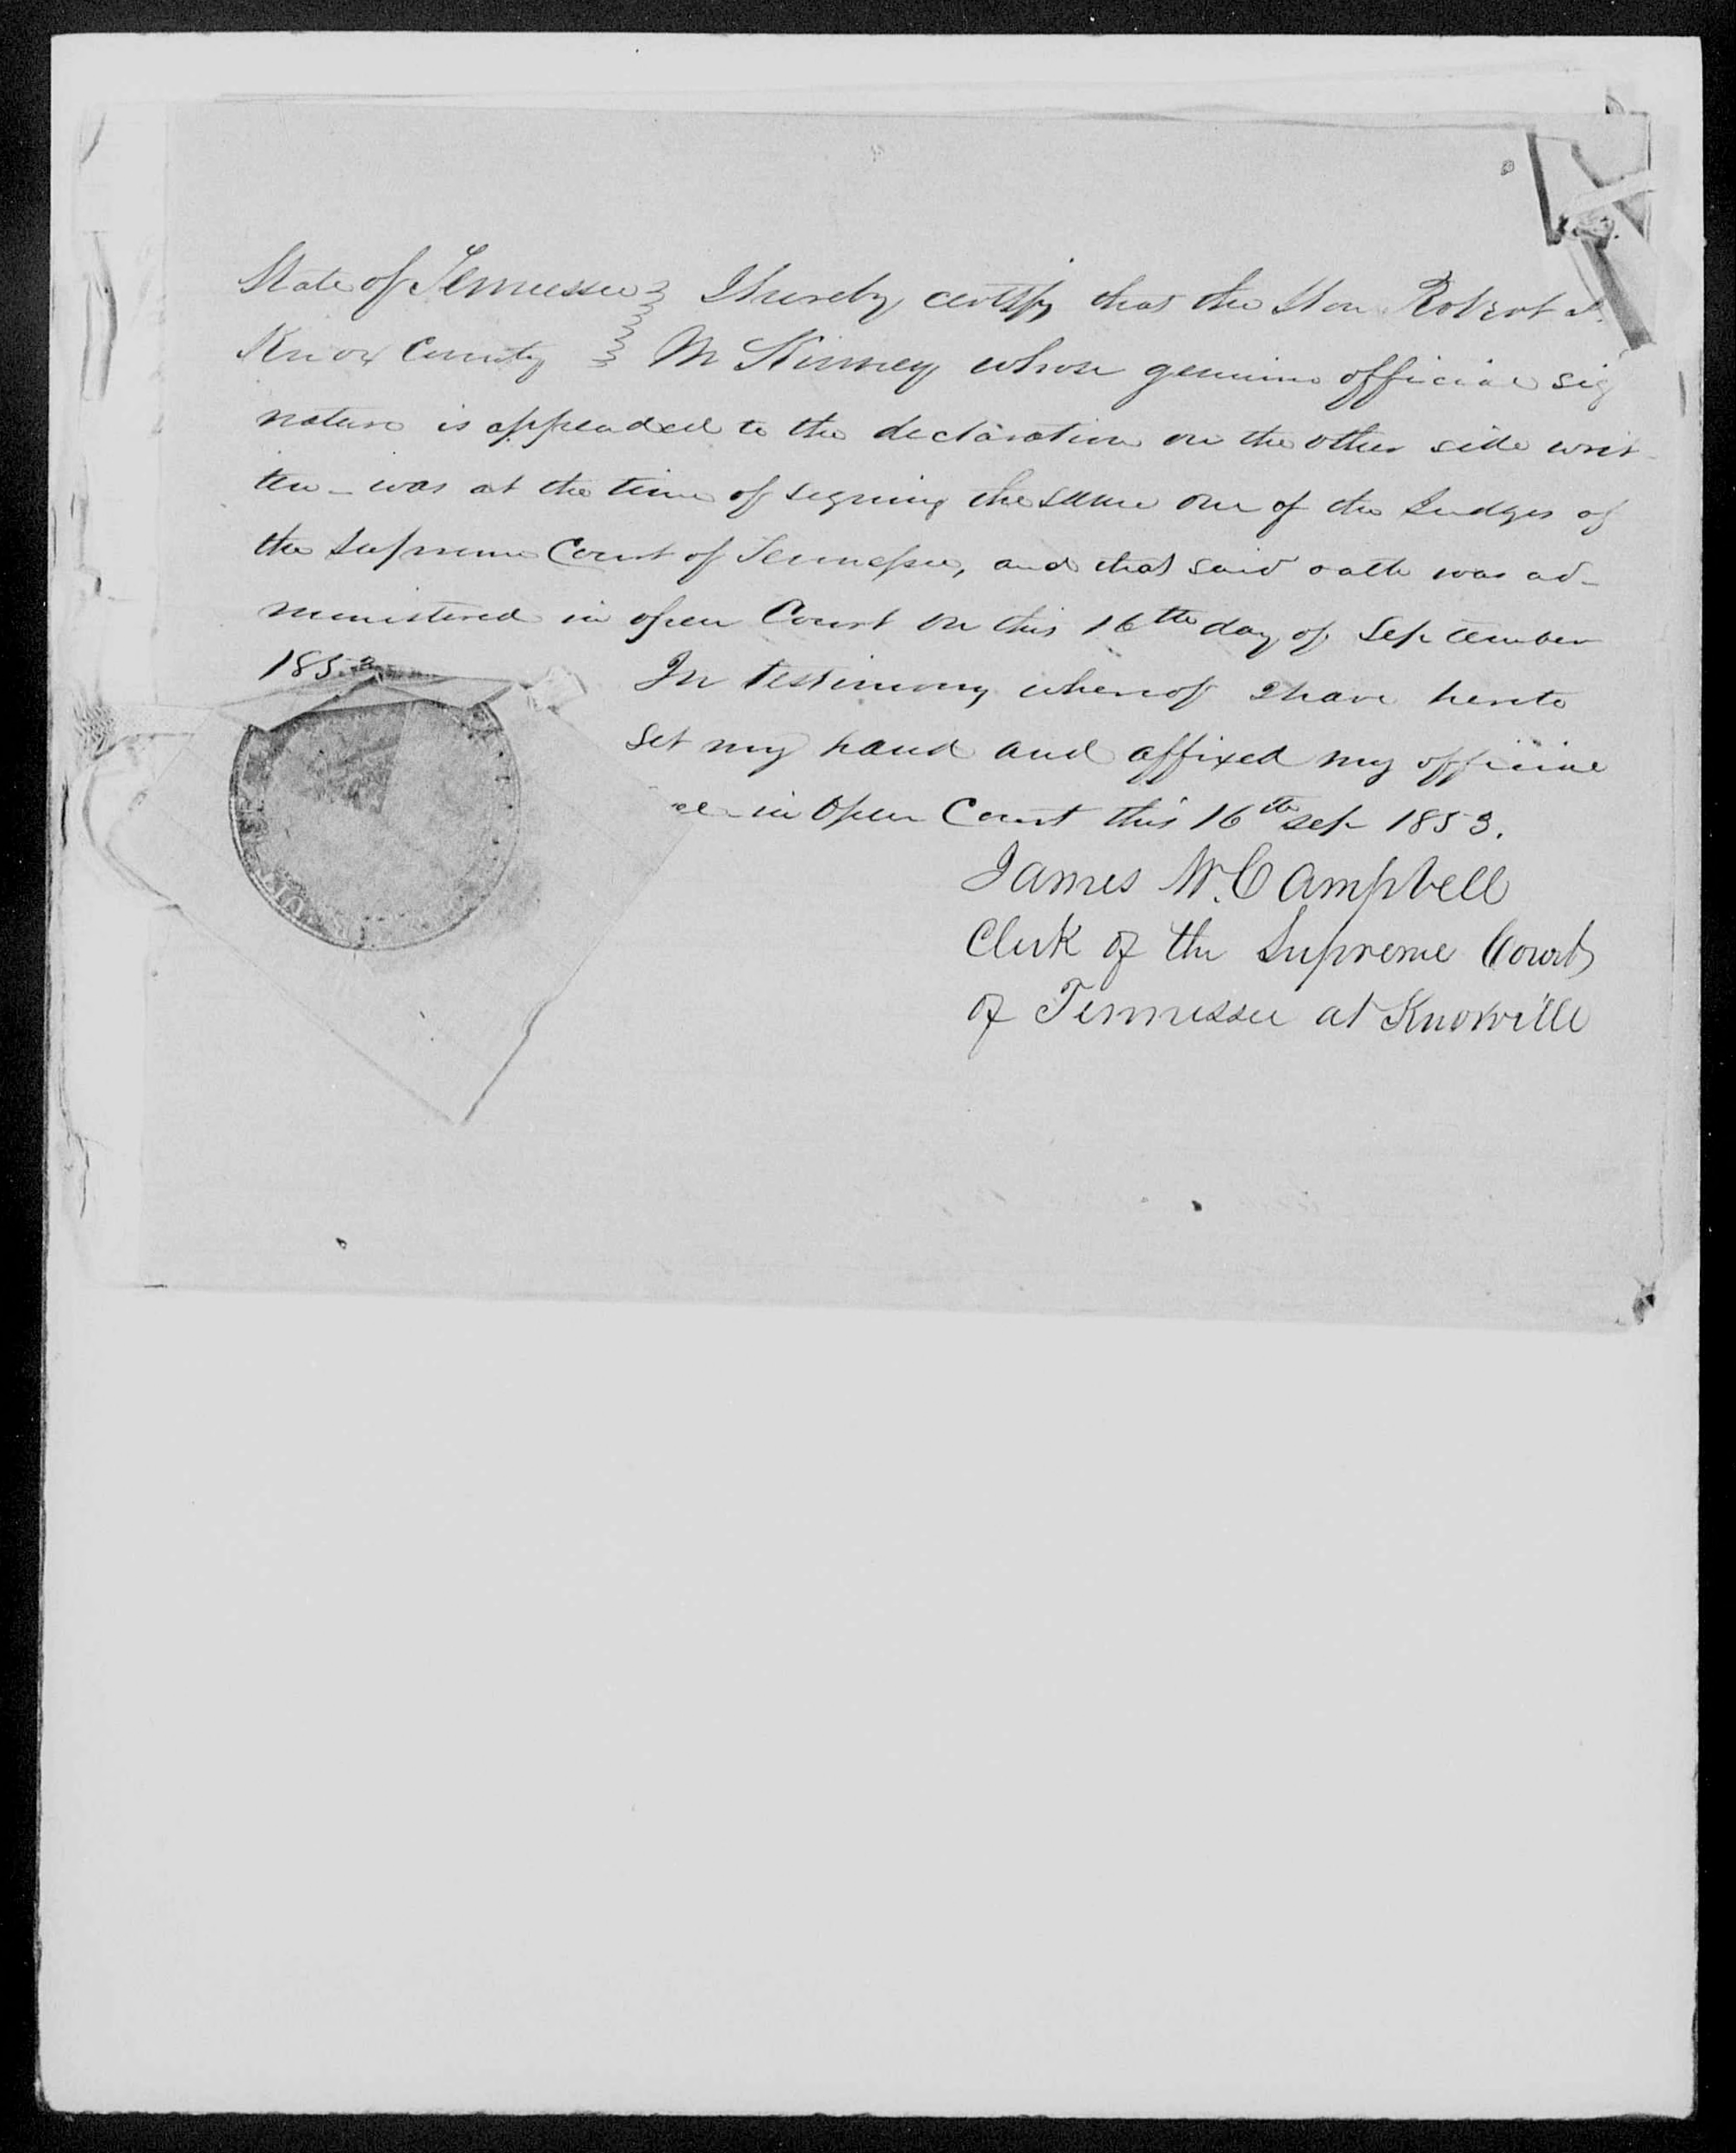State of Tennessee
Knox County
 hereby certify that the Hon. Robert M Kinney 
whose genuine official signature is appended to the declaration on the other side written was at the time of signing the same one of the Judges of the Supreme Court of Tennessee, and that said oath was administered in open Court on this 16th day of September
In testimony whereof I have hereto set my hand and affixed my official [covered] in open Court this 16th Sep 1853.
James W. Campbell
Clerk of the Supreme Court
of Tennessee at Knoxville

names: James W Campbell, M Kinney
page: 12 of 86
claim: widow's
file: W. 1035, John Hubbs, S.C.